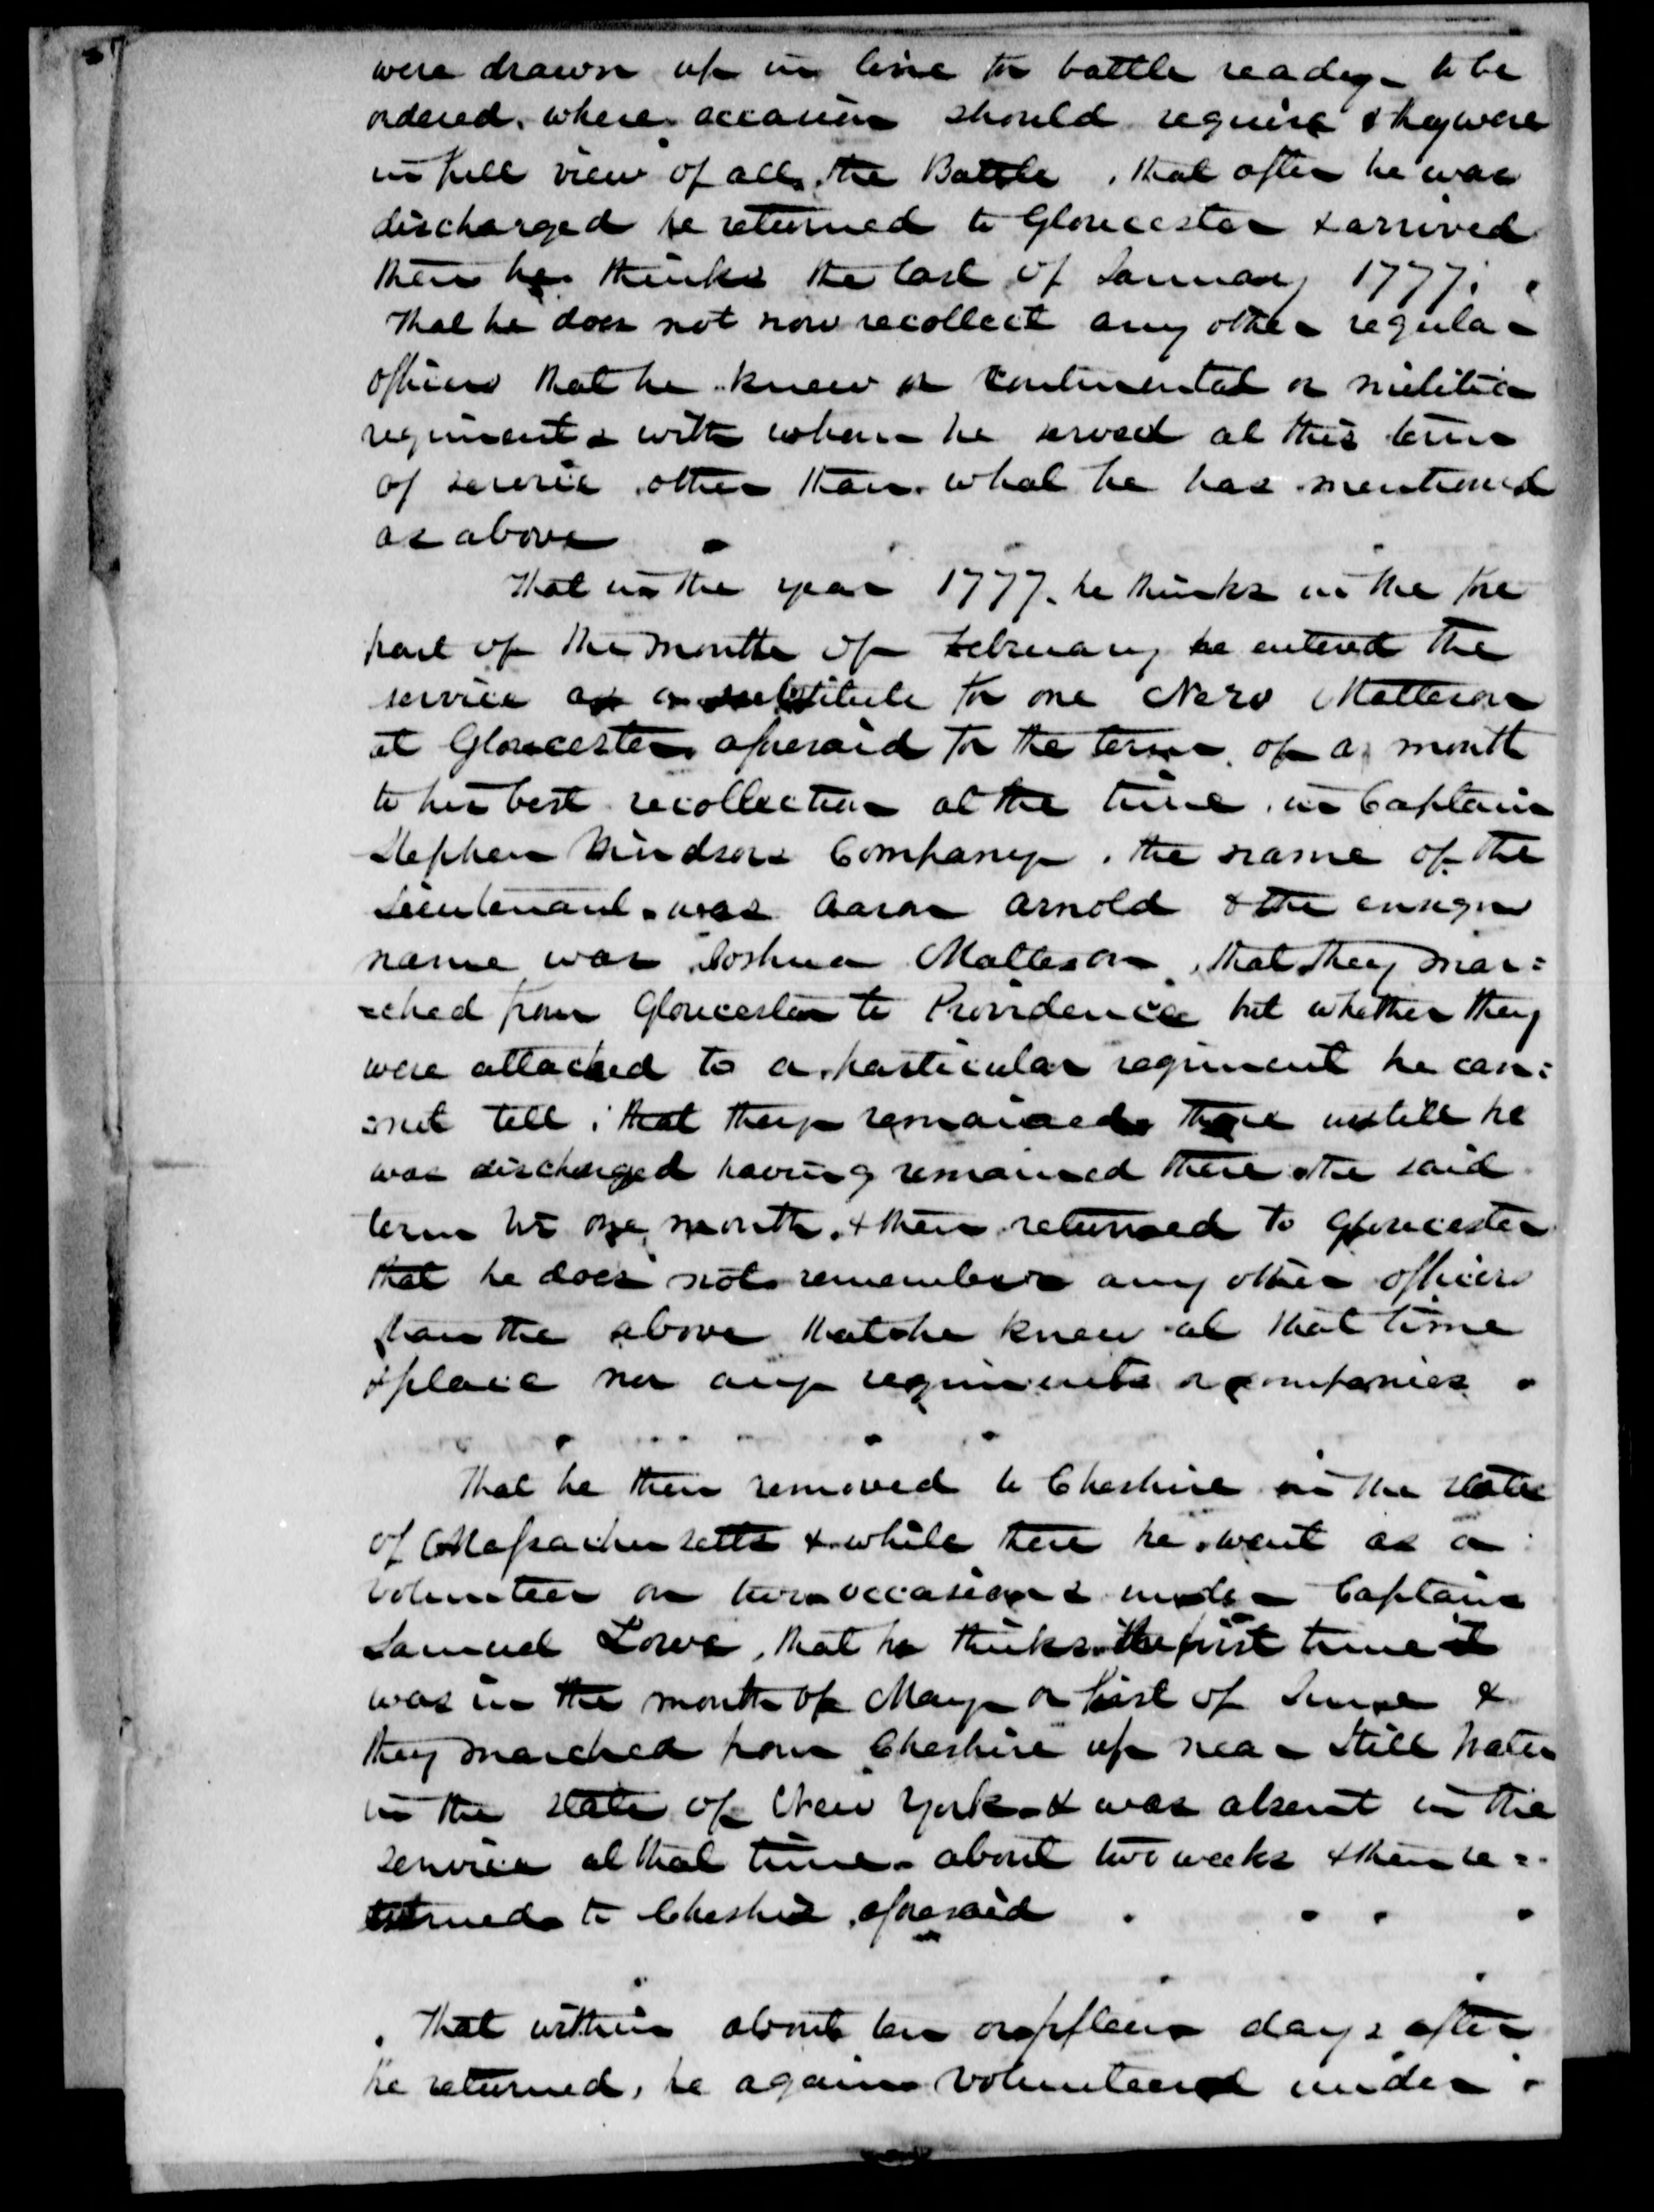were drawn up in line for battle ready - to be ordered, where occasion should require & they were in full view of all the Battle, that after he was discharged he returned to Gloucester & arrived there he thinks the last of January 1777.  That he does not now recollect any other regular officers that he knew or continental or militia regiments with whom he served at this time of service other than what he has mentioned as above.
That in the year 1777, he thinks in the fore part of the month of February he entered the service as a substitute for one Nero Matterson at Gloucester aforesaid for the term of a month to his best recollection at the time, in Captain Stephen Mindross Company, the name of the Lieutenant was Aaron Arnold & the ensigns name was Joshua Matteson, that they marched from Gloucester to Providence but whether they were attached to a particular regiment he cannot tell, that they remained there untill he was discharged having remained there at the said term of one month & then returned to Gloucester that he does not remember any other officers other than the above that he knew at the time & place nor any regiments or companies

That he then removed to Cheshire in the state of Massachusetts & while there he went as a volunteer on term occasioned under Captain  Samuel Lowe, that he thinks the first time it was in the month of May or first of June & they marched from Cheshire up near Still Water in the state of New York & was about in the service at the time about two weeks & then was returned to Cheshire aforesaid

That within about ten or fifteen days after he returned, he again volunteered under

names: Samuel Lowe, Aaron Arnold, Joshua Matteson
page: 9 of 18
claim: survivor's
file: S. 11731, Robert Whippel, Continental Mass R. I.